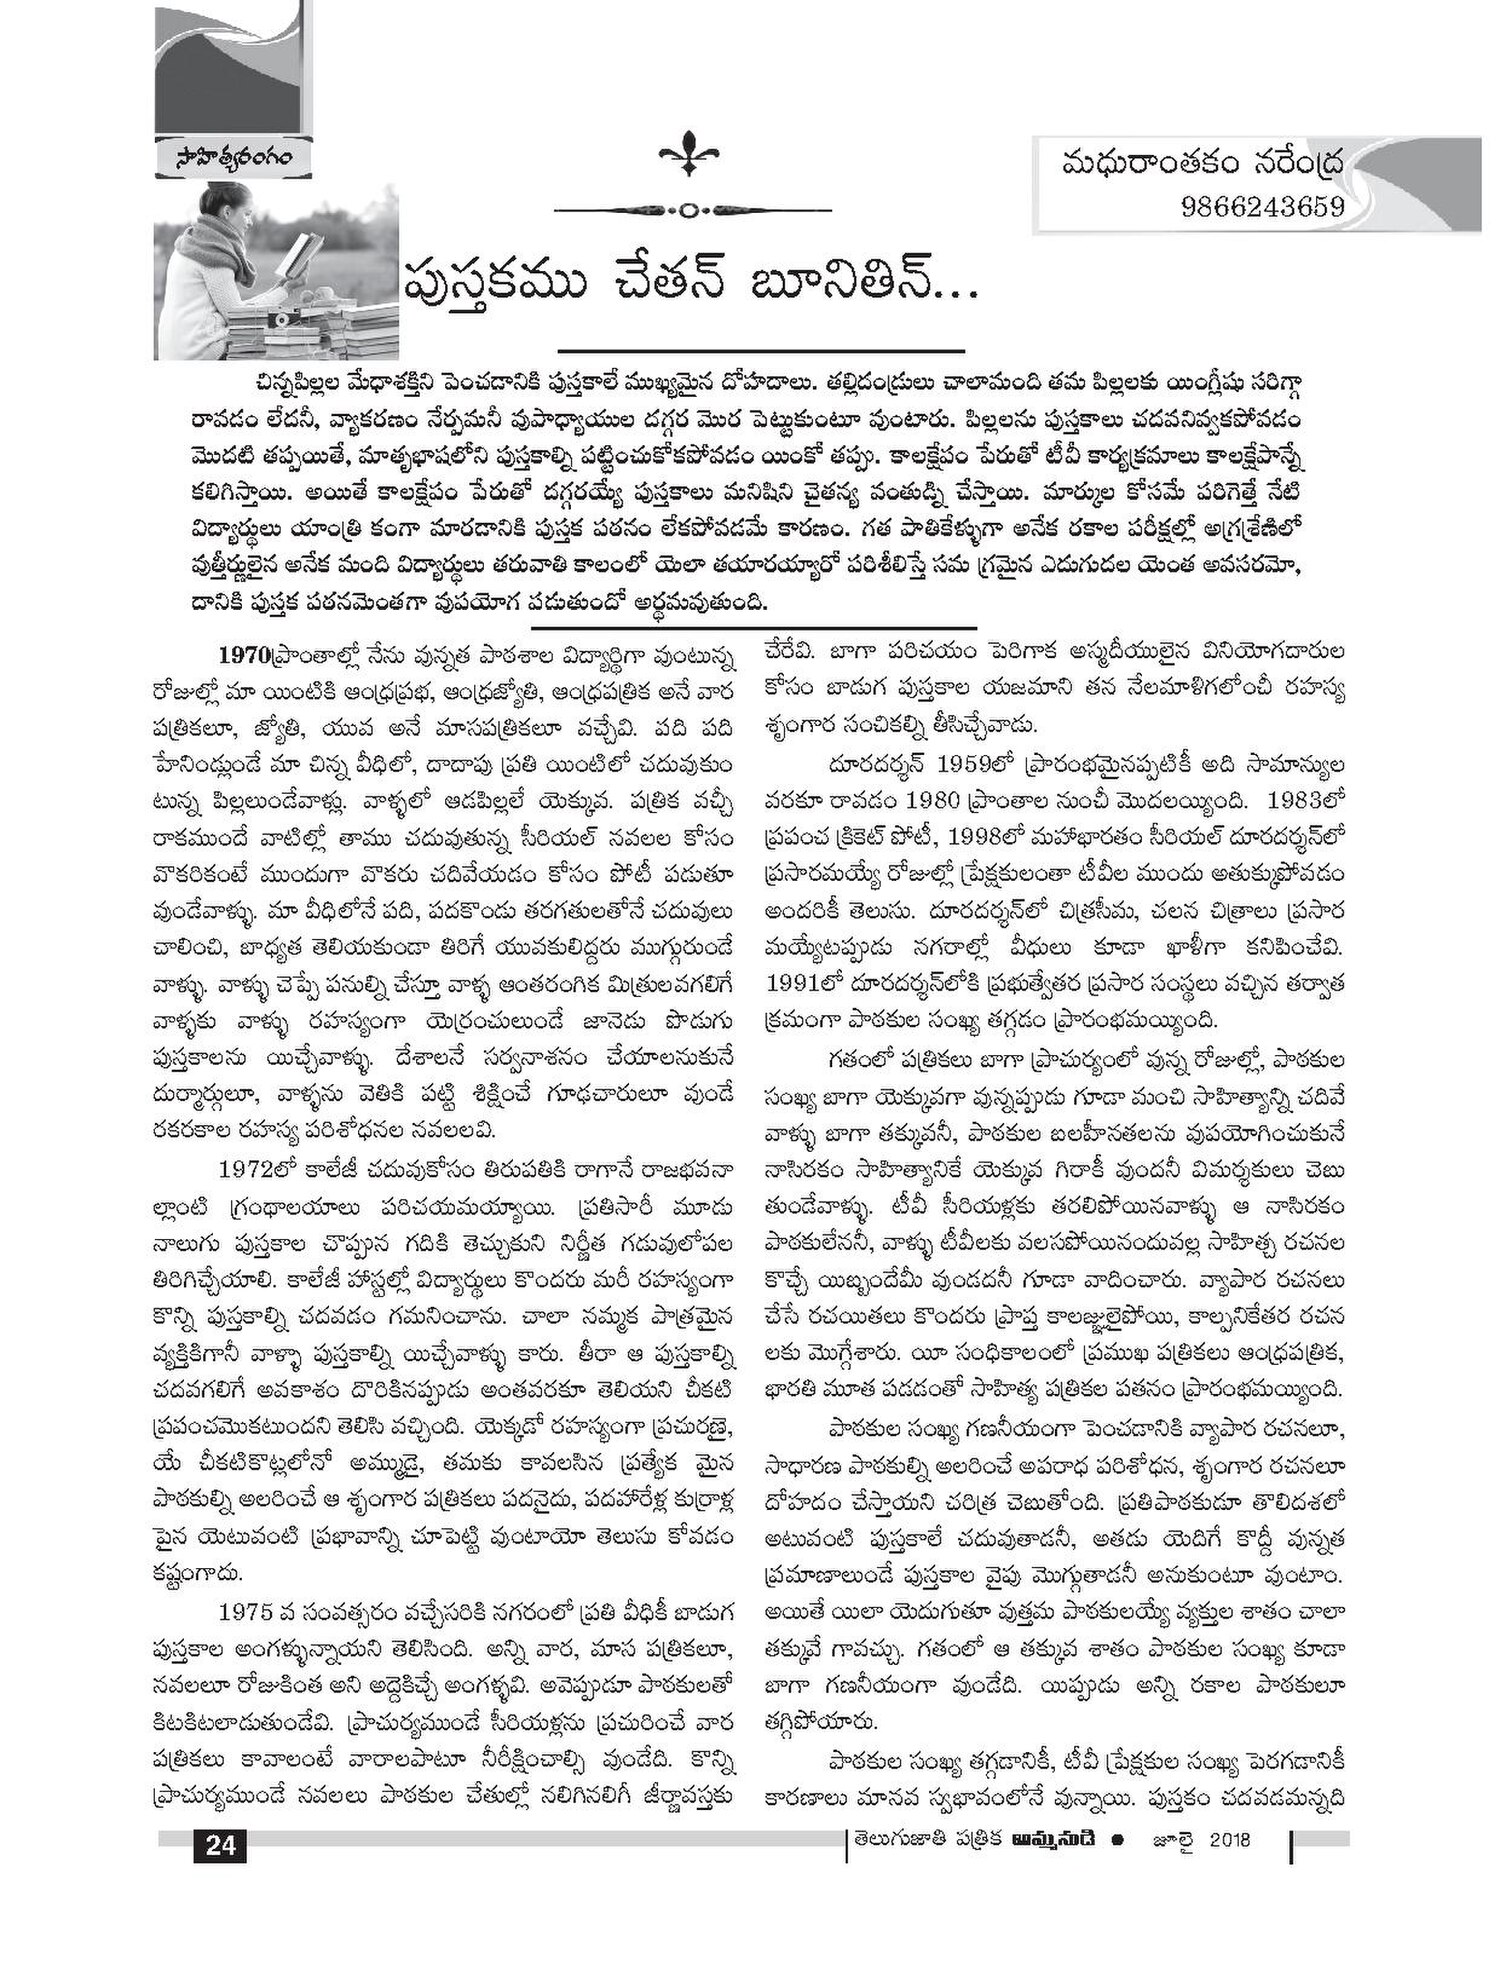చిన్నపిల్లల మేధాశక్తిని పెంచడానికి పుస్తకాలే ముఖ్యమైన దోహదాలు. తల్లిదండ్రులు చాలామంది తమ పిల్లలకు యింగ్లీషు సరిగ్గా రావడం లేదనీ, వ్యాకరణం నేర్పమనీ వుపాధ్యాయుల దగ్గర మొర పెట్టుకుంటూ వుంటారు. పిల్లలను వుస్తకాలు చదవనివ్వకపోవడం మొదటి తప్పయితే, మాతృభాషలోని పుస్తకాల్ని పట్టించుకోకపోవడం యింకో తప్పు. కాలక్షేపం పేరుతో టీవీ కార్యక్రమాలు కాలక్షేపాన్నే కలిగిస్తాయి. అయితే కాలక్షేపం పేరుతో దగ్గరయ్యే పుస్తకాలు మనిషిని చైతన్య వంతుడ్ని చేస్తాయి. మార్కుల కోసమే పరిగెత్తే నేటి విద్యార్థులు యాంత్రి కంగా మారడానికి పుస్తక పఠనం లేకపోవడమే కారణం. గత పాతికేళ్ళుగా అనేక రకాల పరీక్షల్లో అగ్రశ్రేణిలో వుత్తీర్ణులైన అనేక మంది విద్యార్థులు తరువాతి కాలంలో యెలా తయారయ్యారో పరిశీలిస్తే సమ గ్రమైన ఎదుగుదల యెంత అవసరమో, దానికి పుస్తక పఠనమెంతగా వుపయోగ వడుతుందో అర్ధమవుతుంది.

 

1970 ప్రాంతాల్లో నేను వున్నత పాఠశాల విద్యార్థిగా వుంటున్న రోజుల్లో మా యింటికి ఆంధ్రప్రభ, ఆంధ్రజ్యోతి, ఆంధ్రపత్రిక అనే వార పత్రికలూ, జ్యోతి, యువ అనే మాసపత్రికలూ వచ్చేవి. పది పది
హేనిండ్లుండే మా చిన్న వీధిలో, దాదాపు ప్రతి యింటిలో చదువుకుంటున్న పిల్లలుండేవాళ్లు. వాళ్ళలో ఆడపిల్లలే యెక్కువ. పత్రిక వచ్చీ రాకముందే వాటిల్లో తాము చదువుతున్న సీరియల్‌ నవలల కోసం వొకరికంటే ముందుగా వొకరు చదివేయడం కోసం పోటీ పడుతూ వుండేవాళ్ళు. మా వీధిలోనే పది, పదకొండు తరగతులతోనే చదువులు చాలించి, బాధ్యత తెలియకుండా తిరిగే యువకులిద్దరు ముగ్గురుండే వాళ్ళు. వాళ్ళు చెప్పే పనుల్ని చేస్తూ వాళ్ళ ఆంతరంగిక మిత్రులవగలిగే
వాళ్ళకు వాళ్ళు రహస్యంగా యెర్రంచులుండే జానెడు పొడుగు పుస్తకాలను యిచ్చేవాళ్ళు. దేశాలనే సర్వనాశనం చేయాలనుకునే దుర్మార్గులూ, వాళ్ళను వెతికి పట్టి శిక్షించే గూఢచారులూ వుండే
రకరకాల రహస్య పరిశోధనల నవలలవి.

1972లో కాలేజీ చదువుకోసం తిరుపతికి రాగానే రాజభవనాల్లాంటి గ్రంధాలయాలు పరిచయమయ్యాయి. ప్రతిసారీ మూడు నాలుగు పుస్తకాల చొప్పున గదికి తెచ్చుకుని నిర్ణీత గడువులోపల తిరిగిచ్చేయాలి. కాలేజీ హాస్టల్లో విద్యార్థులు కొందరు మరీ రహస్యంగా కొన్ని పుస్తకాల్ని చదవడం గమనించాను. చాలా నమ్మక పాత్రమైన వ్యక్తికిగానీ వాళ్ళా పుస్తకాల్ని యిచ్చేవాళ్ళు కారు. తీరా ఆ పుస్తకాల్ని చదవగలిగే అవకాశం దొరికినప్పుడు అంతవరకూ తెలియని చీకటి
ప్రపంచమొకటుందని తెలిసి వచ్చింది. యెక్కడో రహస్యంగా ప్రచురణ్ణై, యే చీకటికొట్లలోనో అమ్ముడై, తమకు కావలసిన ప్రత్యేక మైన పాఠకుల్ని అలరించే ఆ శృంగార పత్రికలు పదనైదు, పదహారేళ్ల కుర్రాళ్ల పైన యెటువంటి ప్రభావాన్ని చూపెట్టి వుంటాయో తెలుసు కోవడం కష్టంగాదు.

1975 వ సంవత్సరం వచ్చేసరికి నగరంలో ప్రతి వీధికీ బాడుగ పుస్తకాల అంగళ్ళున్నాయని తెలిసింది. అన్ని వార, మాస వత్రికలూ నవలలూ రోజుకింత అని అద్దెకిచ్చే అంగళ్ళవి. అవెప్పుడూ పాఠకులతో కిటకిటలాడుతుండేవి. ప్రాచుర్యముండే సీరియళ్లను ప్రచురించే వారపత్రికలు కావాలంటే వారాలపాటూ నీరీక్షించాల్సి వుండేది. కొన్ని ప్రాచుర్యముండే నవలలు పాఠకుల చేతుల్లో నలిగినలిగీ జీర్ణావస్తకు చేరేవి. బాగా పరిచయం పెరిగాక అస్మదీయులైన వినియోగదారుల కోసం బాడుగ పుస్తకాల యజమాని తన నేలమాళిగలోంచీ రహస్య శృంగార సంచికల్ని తీసిచ్చేవాడు.

దూరదర్శన్‌ 1959లో ప్రారంభమైనప్పటికీ అది సామాన్యుల వరకూ రావడం 1980 ప్రాంతాల నుంచీ మొదలయ్యింది. 1983లో ప్రపంచ క్రికెట్‌ పోటీ, 1998లో మహాభారతం సీరియల్‌ దూరదర్శన్‌లో ప్రసారమయ్యే రోజుల్లో ప్రేక్షకులంతా టీవీల ముందు అతుక్కుపోవడం అందరికీ తెలుసు. దూరదర్శన్‌లో చిత్రసీమ, చలన చిత్రాలు ప్రసార మయ్యేటప్పుడు నగరాల్లో వీధులు కూడా ఖాళీగా కనిపించేవి. 1991లో దూరదర్శన్‌లోకి ప్రభుత్వేతర ప్రసార సంస్థలు వచ్చిన తర్వాత క్రమంగా పాఠకుల సంఖ్య తగ్గడం ప్రారంభమయ్యింది.

గతంలో పత్రికలు బాగా ప్రాచుర్యంలో వున్న రోజుల్లో, పాఠకుల సంఖ్య బాగా యెక్కువగా వున్నప్పుడు గూడా మంచి సాహిత్యాన్ని చదివే వాళ్ళు బాగా తక్కువనీ, పాఠకుల బలహీనతలను వుపయోగించుకునే నాసిరకం సాహిత్యానికే యెక్కువ గిరాకీ వుందనీ విమర్శకులు చెబు తుండేవాళ్ళు. టీవీ సీరియళ్లకు తరలిపోయినవాళ్ళు ఆ నాసిరకం పాఠకులేననీ, వాళ్ళు టీవీలకు వలసపోయినందువల్ల సాహిత్చ రచనల కొచ్చే యిబ్బందేమీ వుండదనీ గూడా వాదించారు. వ్యాపార రచనలు చేసే రచయితలు కొందరు ప్రాప్త కాలజ్ఞులైపోయి, కాల్పనికేతర రచనలకు మొగ్గేశారు. యీ సంధికాలంలో ప్రముఖ వత్రికలు ఆంధ్రపత్రిక, భారతి మూత పడడంతో సాహిత్య షత్రికల పతనం ప్రారంభమయ్యింది.

పాఠకుల సంఖ్య గణనీయంగా పెంచడానికి వ్యాపార రచనలూ, సాధారణ పాఠకుల్ని అలరించే అపరాధ పరిశోధన, శృంగార రచనలూ దోహదం చేస్తాయని చరిత్ర చెబుతోంది. ప్రతిపాఠకుడూ తొలిదశలో అటువంటి పుస్తకాలే చదువుతాడనీ, అతడు యెదిగే కొద్దీ వున్నత ప్రమాణాలుండే పుస్తకాల వైపు మొగ్గుతాడనీ అనుకుంటూ వుంటాం. అయితే యిలా యెదుగుతూ వుత్తమ పాఠకులయ్యే వ్యక్తుల శాతం చాలా తక్కువే గావచ్చు. గతంలో ఆ తక్కువ శాతం పాఠకుల సంఖ్య కూడా బాగా గణనీయంగా వుండేది. యిప్పుడు అన్ని రకాల పాఠకులూ తగ్గిపోయారు.

పాఠకుల సంఖ్య తగ్గడానికీ, టీవీ ప్రేక్షకుల సంఖ్య పెరగడానికీ కారణాలు మానవ స్వభావంలోనే వున్నాయి. పుస్తకం చదవడమన్నది